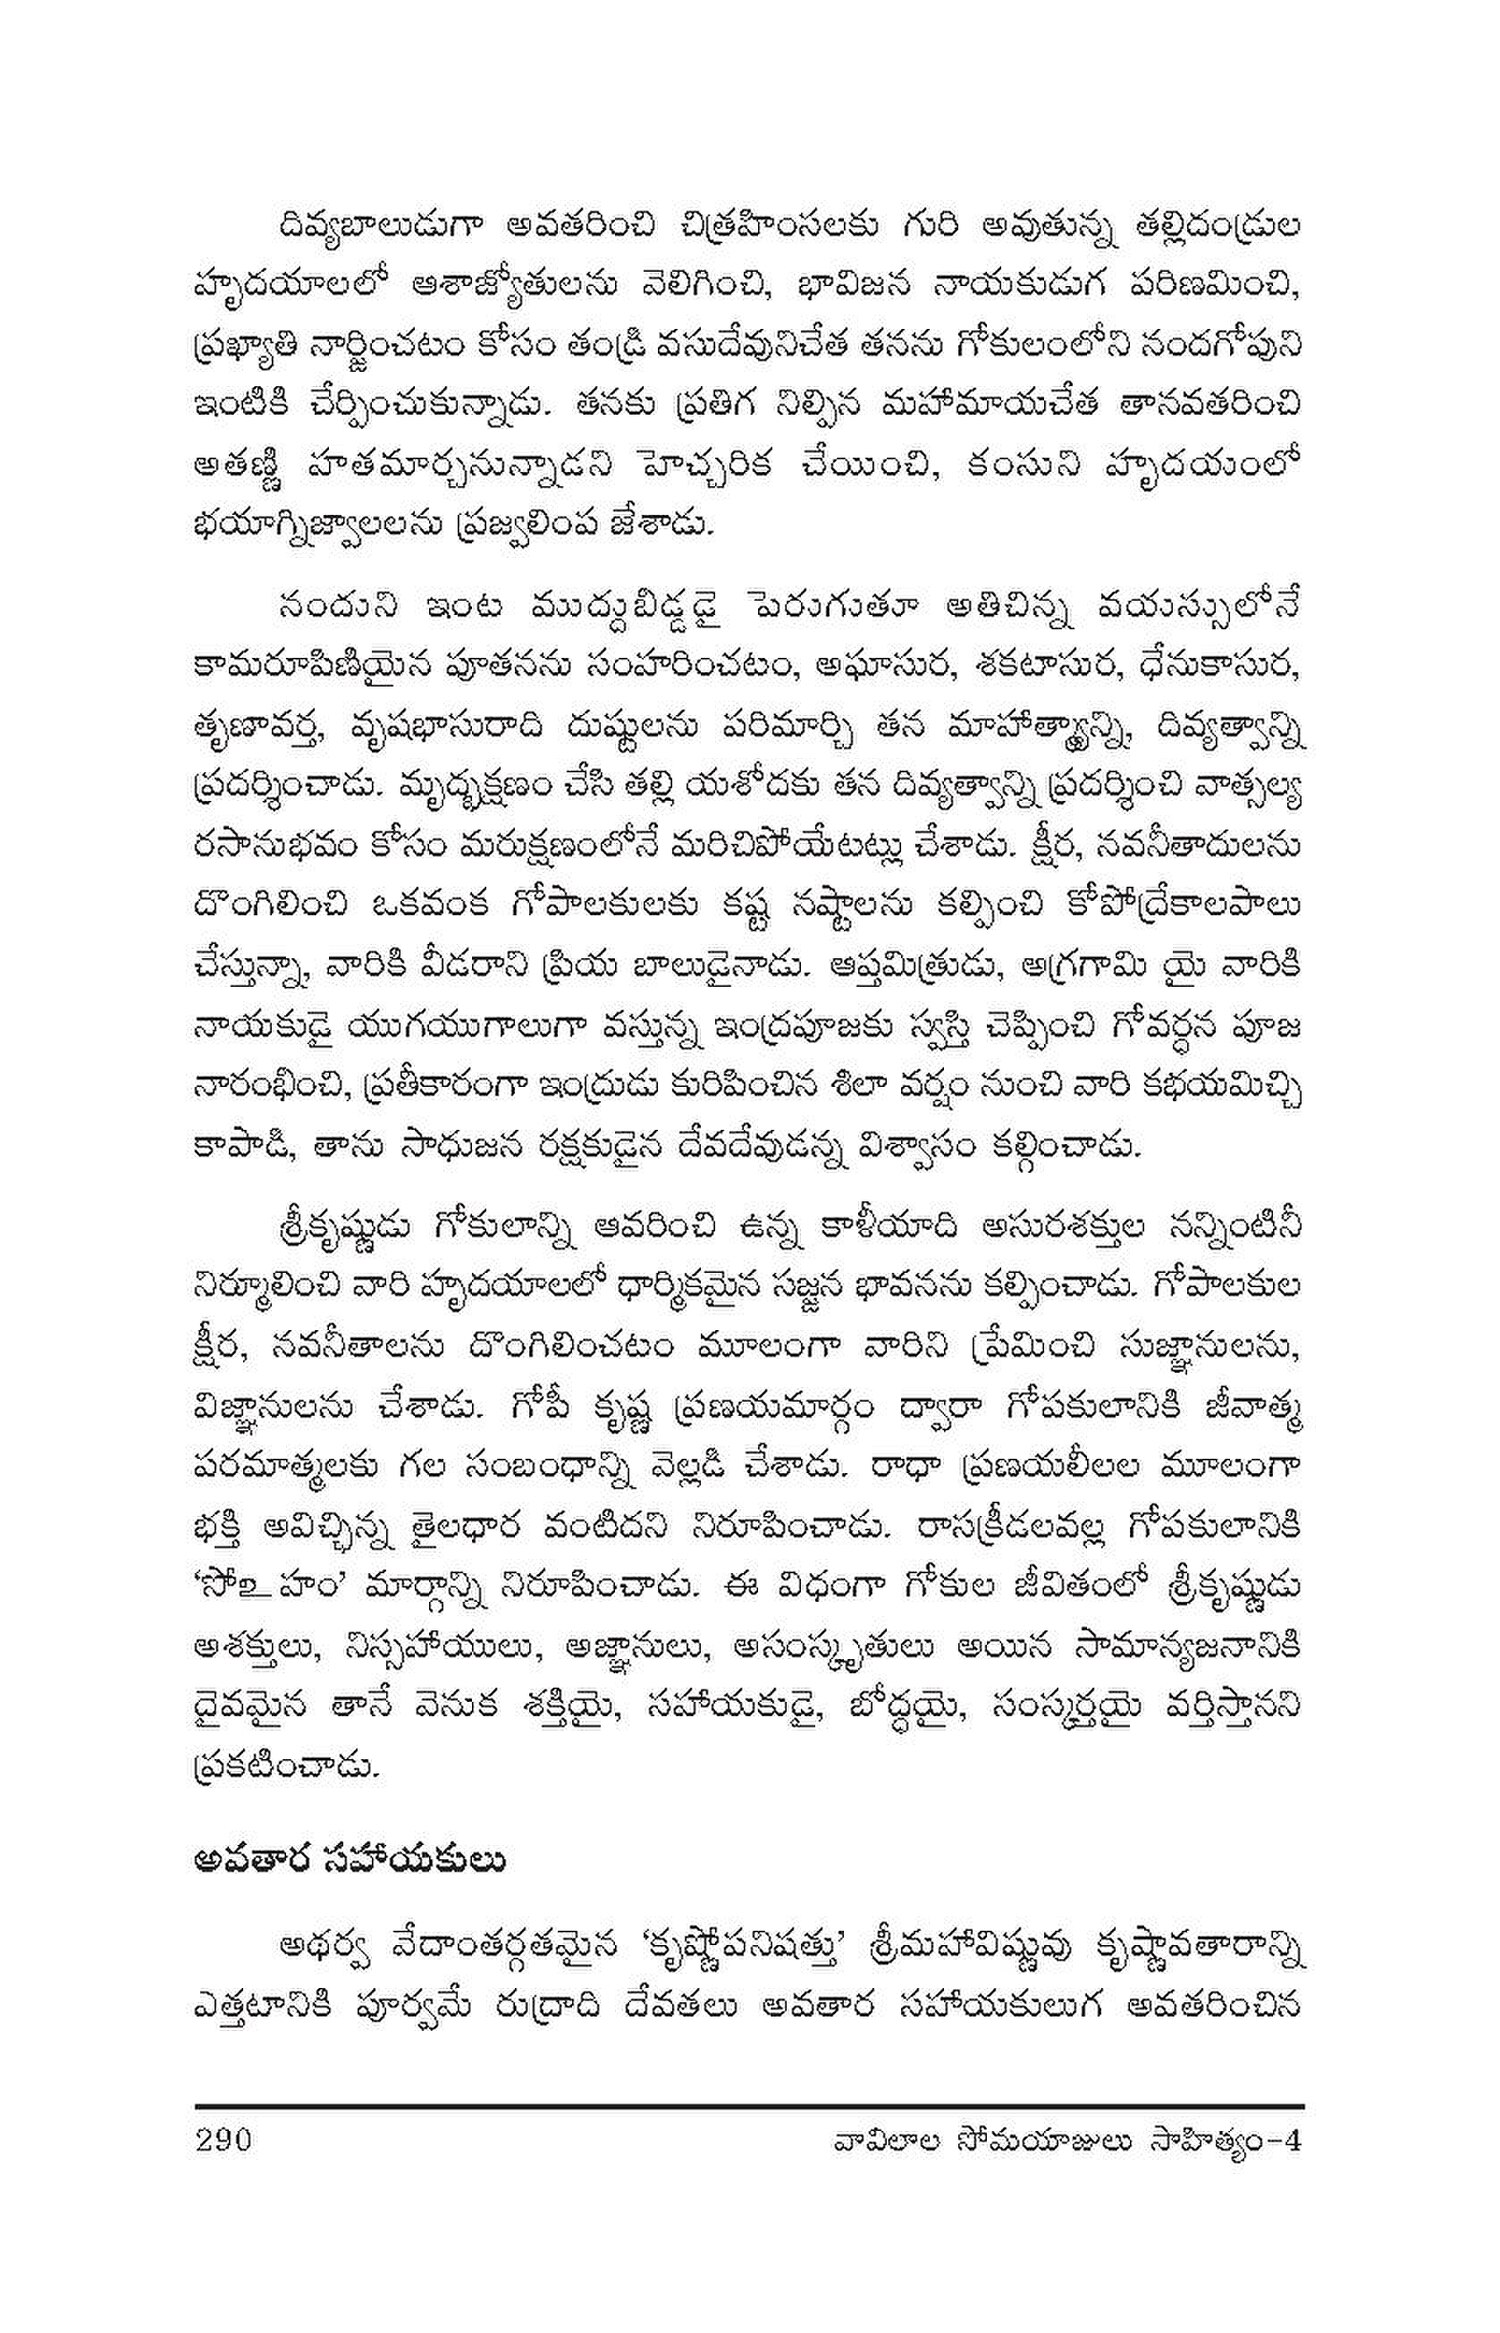దివ్యబాలుడుగా అవతరించి చిత్రహింసలకు గురి అవుతున్న తల్లిదండ్రుల
హృదయాలలో ఆశాజ్యోతులను వెలిగించి, భావిజన నాయకుడుగ పరిణమించి,
ప్రఖ్యాతి నార్జించటం కోసం తండ్రి వసుదేవునిచేత తనను గోకులంలోని నందగోపుని
ఇంటికి చేర్పించుకున్నాడు. తనకు ప్రతిగ నిల్పిన మహామాయచేత తానవతరించి
అతణ్ణి హతమార్చనున్నాడని హెచ్చరిక చేయించి, కంసుని హృదయంలో
భయాగ్నిజ్వాలలను ప్రజ్వలింప జేశాడు.

నందుని ఇంట ముద్దుబిడ్డడై పెరుగుతూ అతిచిన్న వయస్సులోనే
కామరూపిణియైన పూతనను సంహరించటం, అఘాసుర, శకటాసుర, ధేనుకాసుర,
తృణావర్త, వృషభాసురాది దుష్టులను పరిమార్చి తన మాహాత్మ్యాన్ని, దివ్యత్వాన్ని
ప్రదర్శించాడు. మృద్భక్షణం చేసి తల్లి యశోదకు తన దివ్యత్వాన్ని ప్రదర్శించి వాత్సల్య
రసానుభవం కోసం మరుక్షణంలోనే మరిచిపోయేటట్లు చేశాడు. క్షీర, నవనీతాదులను
దొంగిలించి ఒకవంక గోపాలకులకు కష్ట నష్టాలను కల్పించి కోపోద్రేకాలపాలు
చేస్తున్నా, వారికి వీడరాని ప్రియ బాలుడైనాడు. ఆప్తమిత్రుడు, అగ్రగామి యై వారికి
నాయకుడై యుగయుగాలుగా వస్తున్న ఇంద్రపూజకు స్వస్తి చెప్పించి గోవర్ధన పూజ
నారంభించి, ప్రతీకారంగా ఇంద్రుడు కురిపించిన శిలా వర్షం నుంచి వారి కభయమిచ్చి
కాపాడి, తాను సాధుజన రక్షకుడైన దేవదేవుడన్న విశ్వాసం కల్గించాడు.

శ్రీకృష్ణుడు గోకులాన్ని ఆవరించి ఉన్న కాళీయాది అసురశక్తుల నన్నింటినీ
నిర్మూలించి వారి హృదయాలలో ధార్మికమైన సజ్జన భావనను కల్పించాడు. గోపాలకుల
క్షీర, నవనీతాలను దొంగిలించటం మూలంగా వారిని ప్రేమించి సుజ్ఞానులను,
విజ్ఞానులను చేశాడు. గోపీ కృష్ణ ప్రణయమార్గం ద్వారా గోపకులానికి జీవాత్మ
పరమాత్మలకు గల సంబంధాన్ని వెల్లడి చేశాడు. రాధా ప్రణయలీలల మూలంగా
భక్తి అవిచ్ఛిన్న తైలధార వంటిదని నిరూపించాడు. రాసక్రీడలవల్ల గోపకులానికి
'సో హం' మార్గాన్ని నిరూపించాడు. ఈ విధంగా గోకుల జీవితంలో శ్రీకృష్ణుడు
అశక్తులు, నిస్సహాయులు, అజ్ఞానులు, అసంస్కృతులు అయిన సామాన్యజనానికి
దైవమైన తానే వెనుక శక్తియై, సహాయకుడై, బోద్ధయై, సంస్కర్తయై వర్తిస్తానని
ప్రకటించాడు.

అవతార సహాయకులు

అథర్వ వేదాంతర్గతమైన 'కృష్ణోపనిషత్తు' శ్రీమహావిష్ణువు కృష్ణావతారాన్ని
ఎత్తటానికి పూర్వమే రుద్రాది దేవతలు అవతార సహాయకులుగ అవతరించిన